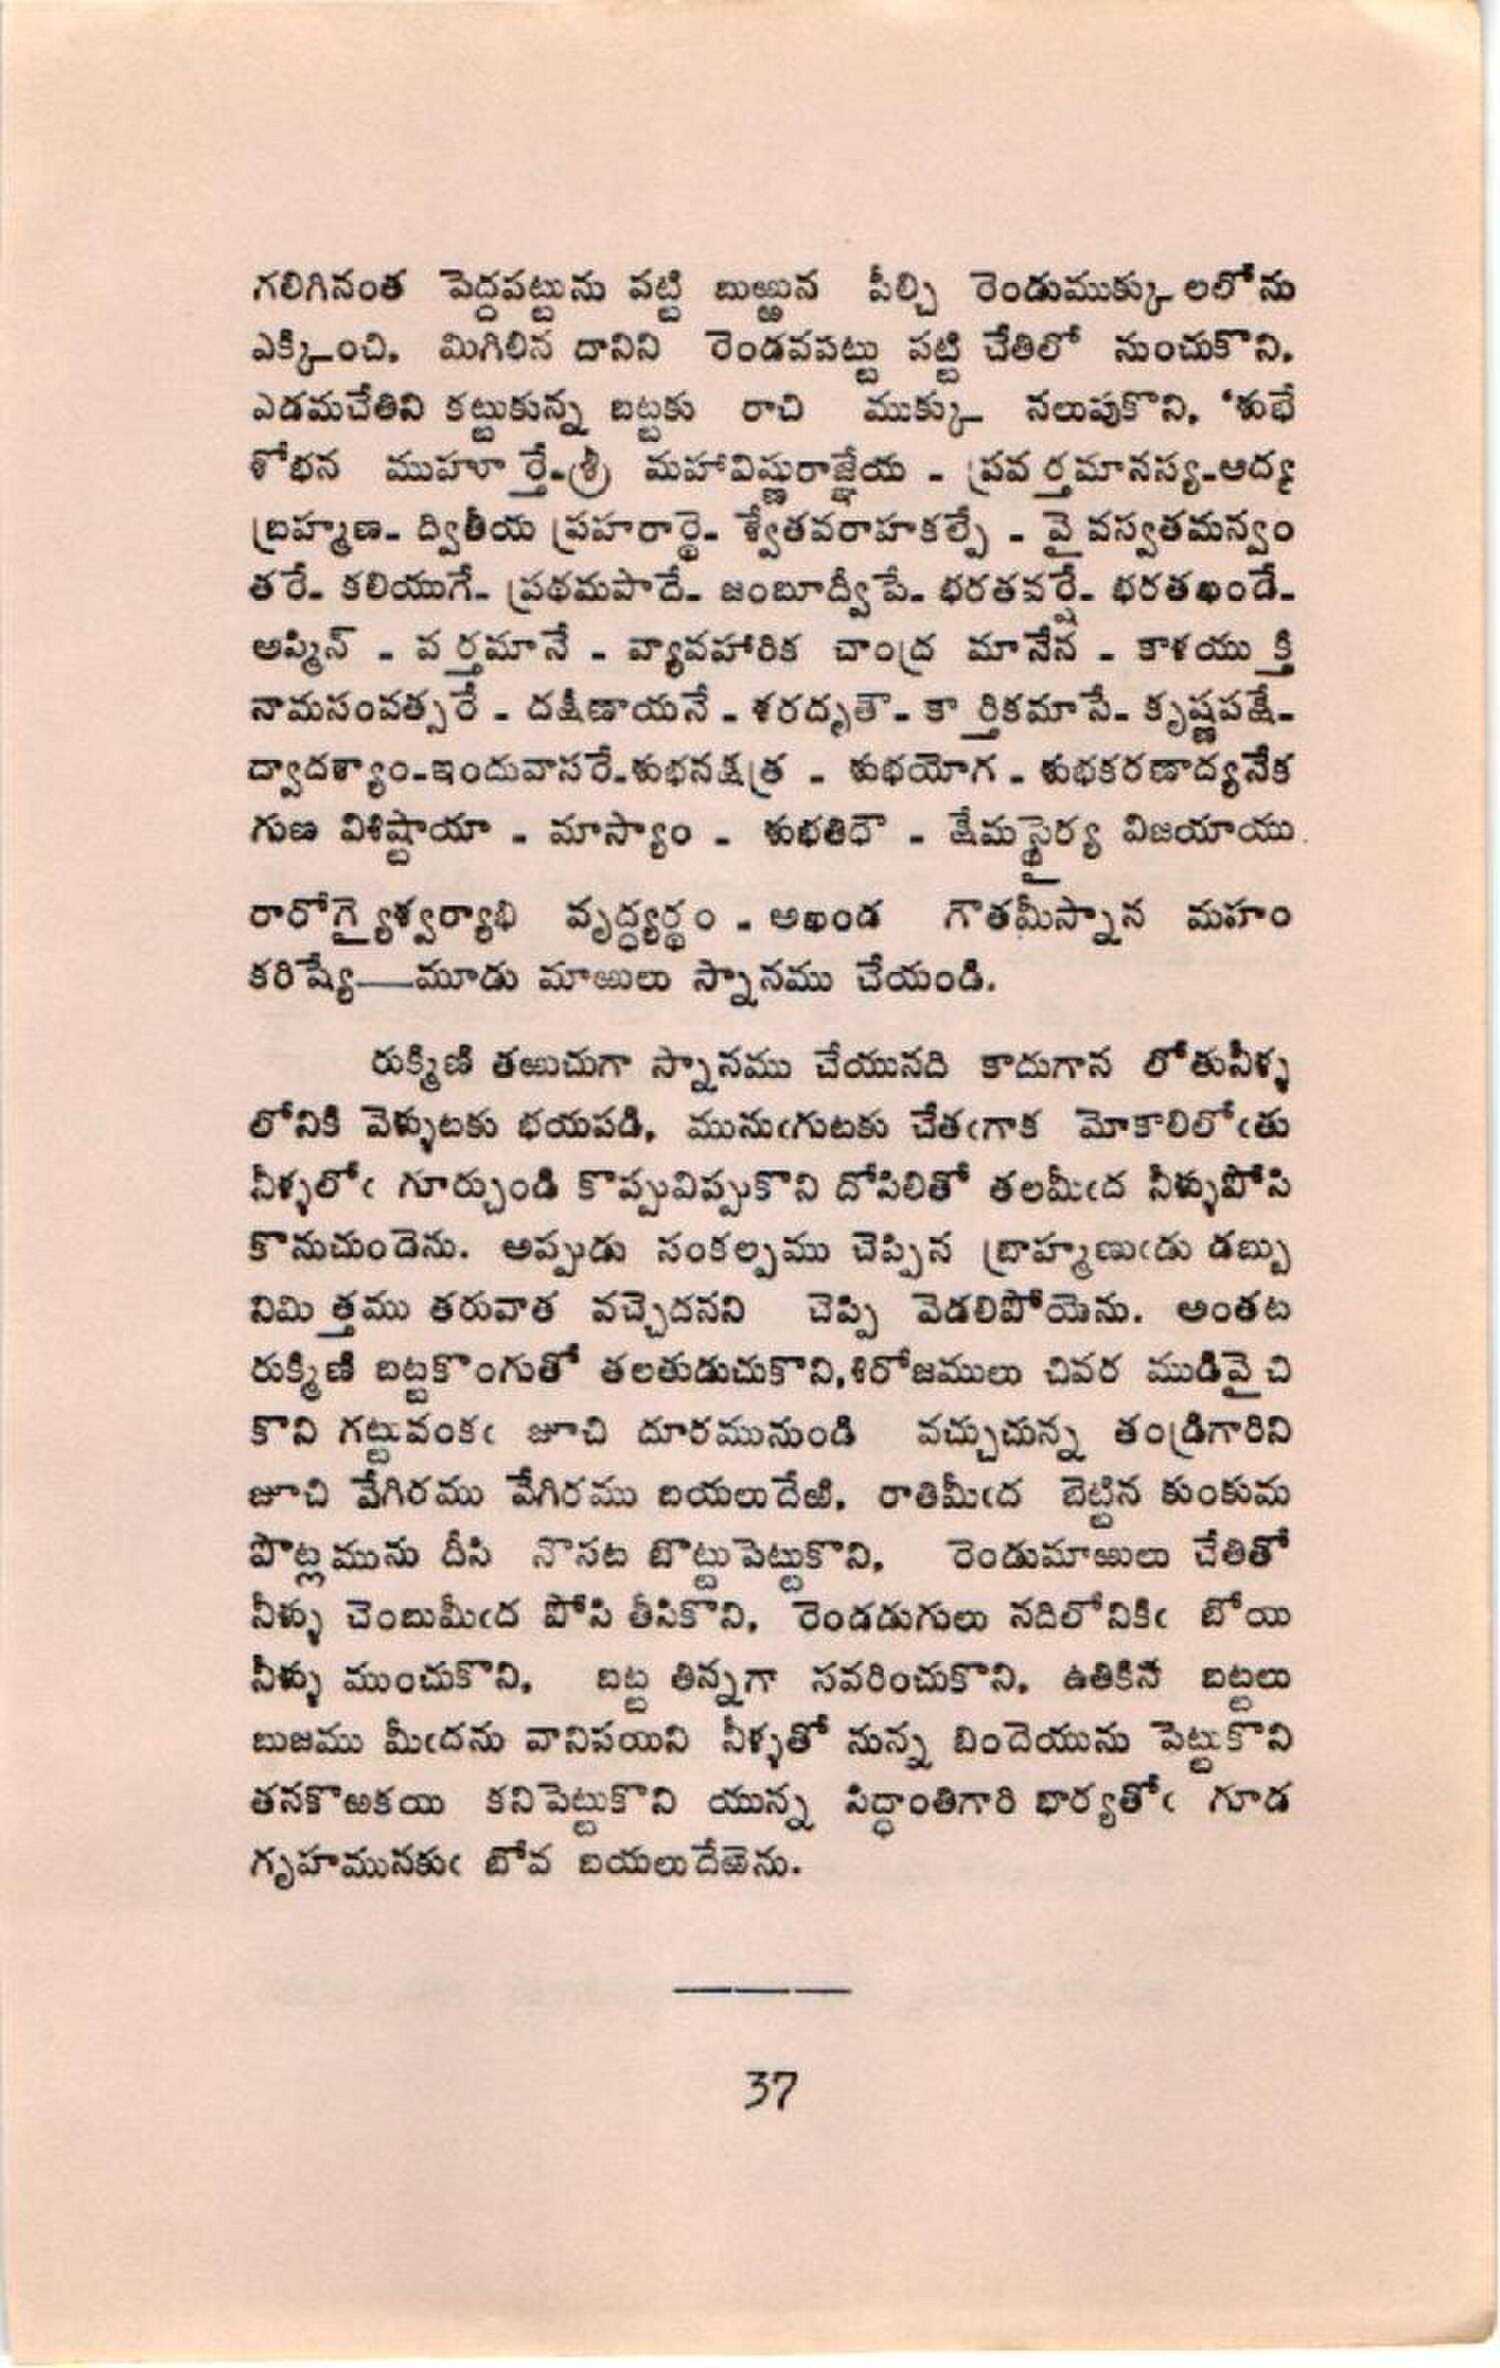గలిగినంత పెద్దపట్టును పట్టి బుఱ్ఱున పీల్చి రెండుముక్కులలోను ఎక్కించి, మిగిలిన దానిని రెండవపట్టు పట్టి చేతిలో నుంచుకొని, ఎడమచేతిని కట్టుకున్న బట్టకు రాచి ముక్కు నలుపుకొని, "శుభే శోభన ముహూర్తే -శ్రీ మహావిష్ణురాజ్ఞేయ - ప్రవర్తమానస్య-ఆద్య బ్రహ్మణ- ద్వితీయ ప్రహరార్ధె. శ్వేతవరాహ కల్పే - వైవస్వతమన్వం తరే. కలియుగే. ప్రథమపాదే. జంబూద్వీపే భరతవర్ష . భరతఖండే. అస్మిన్ - వర్తమానే - వ్యావహారిక చాంద్ర మానేన - కాళయు క్తి నామసంవత్సరే - దక్షిణాయనే. శరదృతౌ. కార్తీకమాసే. కృష్ణపక్షేద్వాదశ్యాం. ఇందువాసరే. శుభనక్షత్ర - శుభయోగ. శుభకరణాద్యనేక గుణ విశిష్టాయా - మాస్యాం - శుభతిధౌ - క్షేమస్థైర్య విజయాయు
రారోగ్యైశ్వర్యాభి వృద్ధ్యర్థం - అఖండ గౌతమీస్నాన మహం కరిష్యే-మూడు మాఱులు స్నానము చేయండి.

రుక్మిణి తఱుచుగా స్నానము చేయునది కాదుగాన లోతునీళ్ళ లోనికి వెళ్ళటకు భయపడి, మునుఁగుటకు చేతఁగాక మోకాలిలోఁతు నీళ్ళలోఁ గూర్చుండి కొప్పువిప్పుకొని దోసిలితో తలమీఁద నీళ్ళుపోసి కొనుచుండెను. అప్పడు సంకల్పము చెప్పిన బ్రాహ్మణుఁడు డబ్బు నిమి త్తము తరువాత వచ్చెదనని చెప్పి వెడలిపోయెను. అంతట రుక్మిణి బట్టకొంగుతో తలతుడుచుకొని,శిరోజములు చివర ముడివైచి కొని గట్టువంకఁ జూచి దూరమునుండి వచ్చుచున్న తండ్రిగారిని జూచి వేగిరము వేగిరము బయలుదేరి, రాతిమీఁద బెట్టిన కుంకుమ పొట్లమును దీసి నొసట బొట్టుపెట్టుకొని, రెండుమాఱులు చేతితో నీళ్ళ చెంబుమీఁద పోసి తీసికొని, రెండడుగులు నదిలోనికిఁ బోయి నీళ్ళు ముంచుకొని, బట్ట తిన్నగా సవరించుకొని, ఉతికిన బట్టలు బుజము మీఁదను వానిపయిని నీళ్ళతో నున్న బిందెయును పెట్టుకొని తనకొఱకయి కనిపెట్టుకొని యున్న సిద్ధాంతిగారి భార్యతోఁ గూడ గృహమునకుఁ బోవ బయలుదేఱెను.